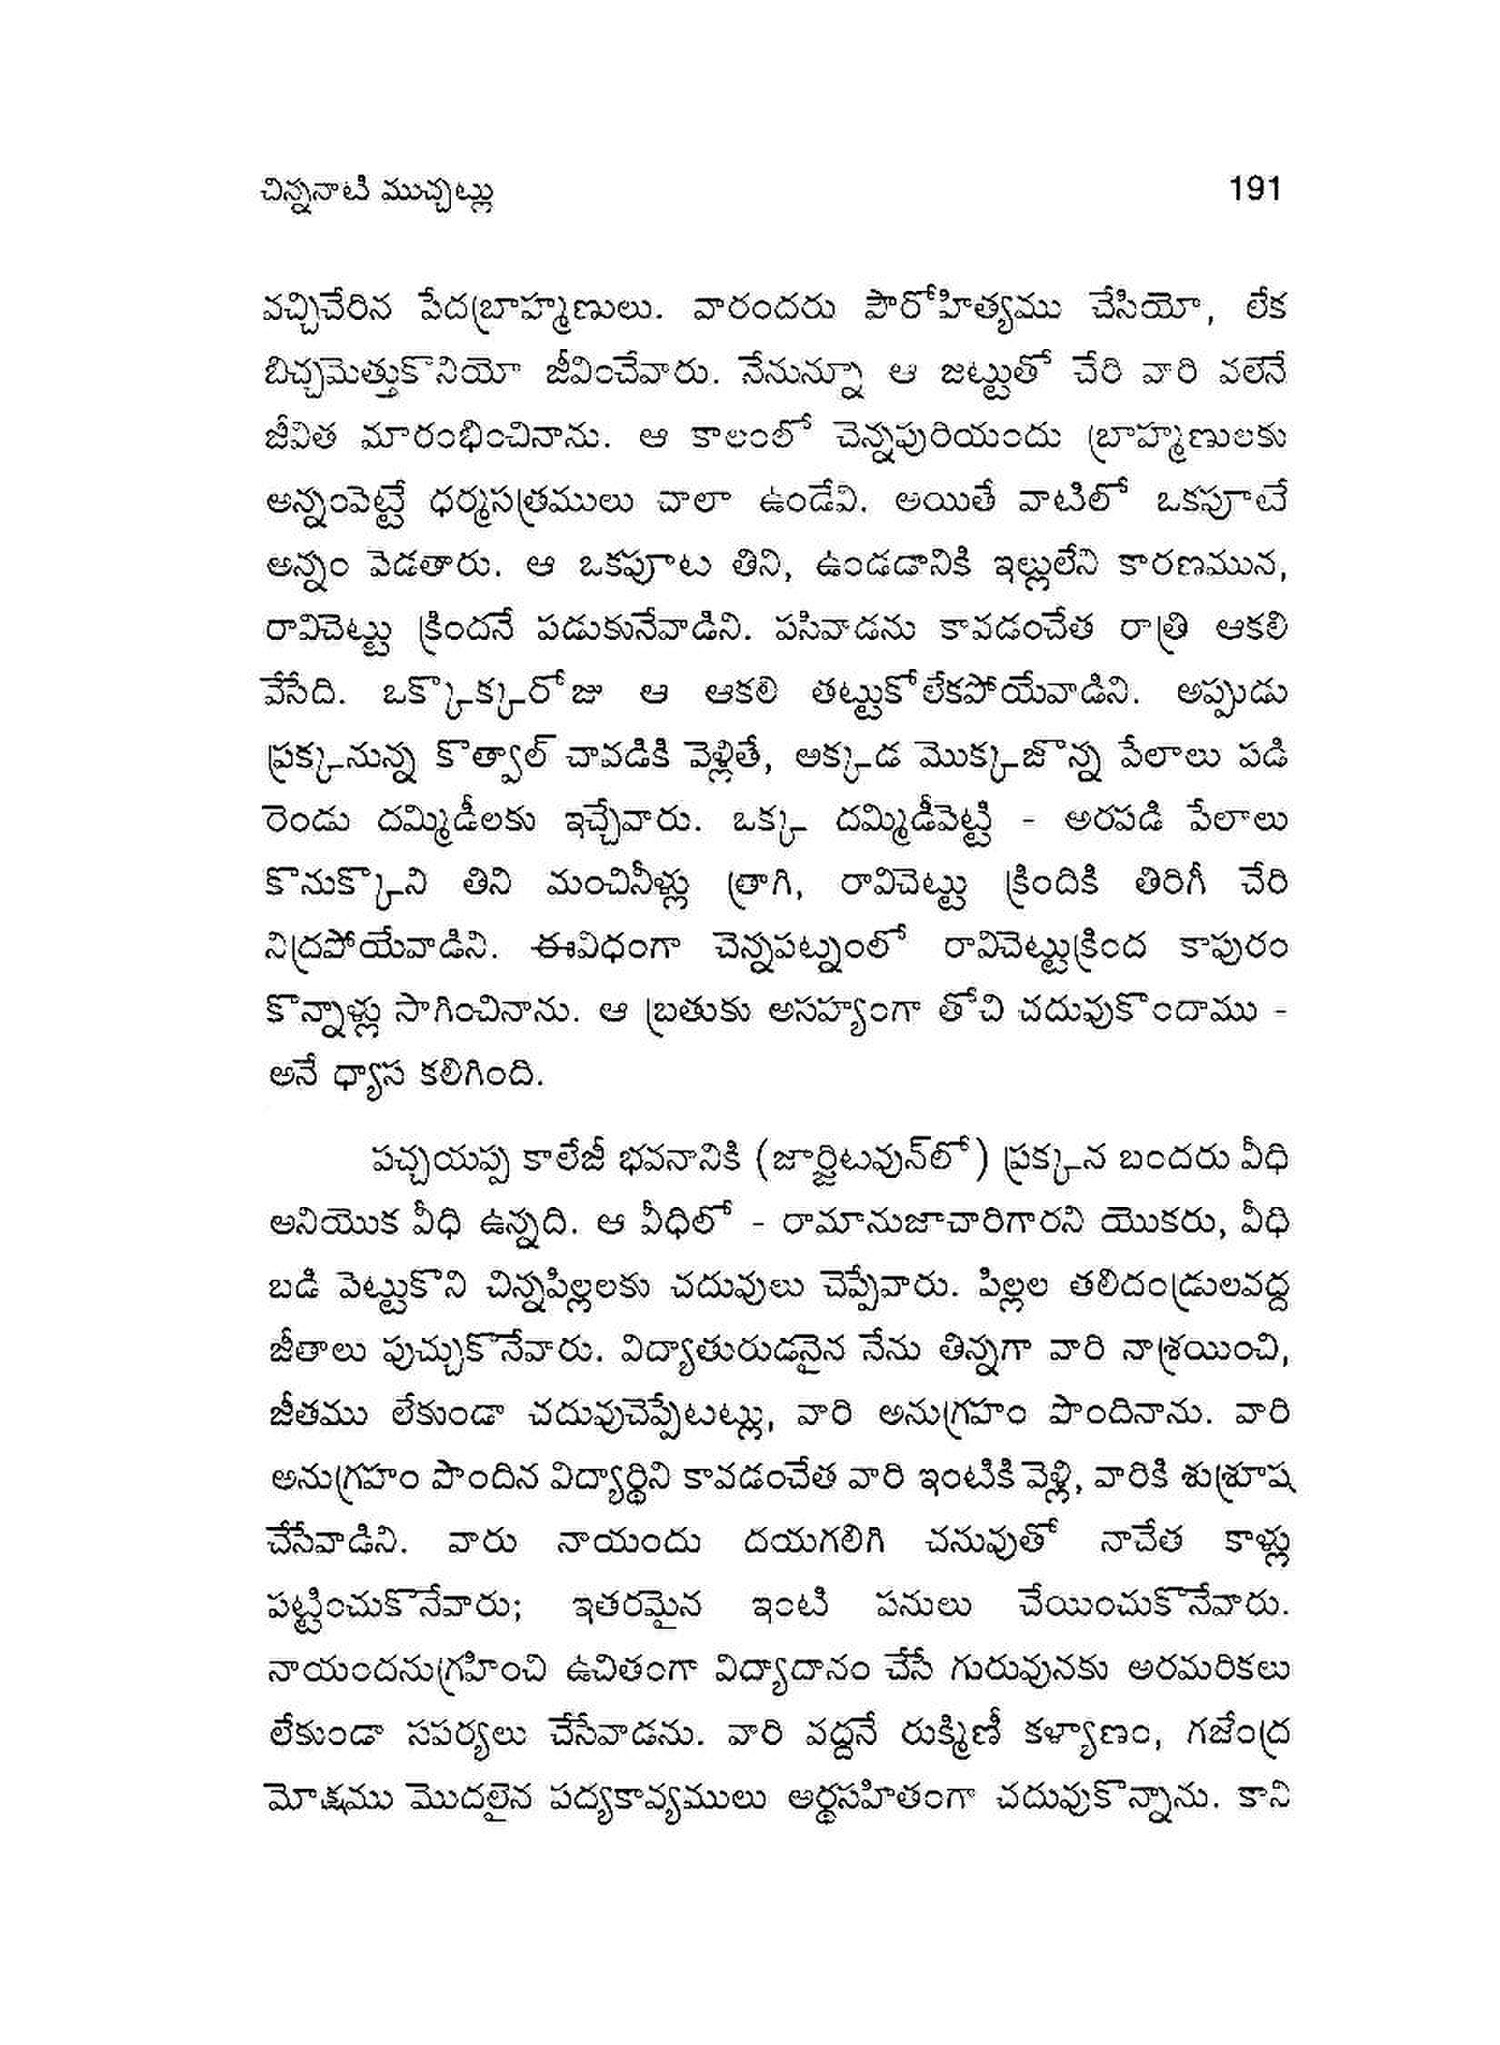వచ్చిచేరిన పేదబ్రాహ్మణులు. వారందరు పౌరోహిత్యము చేసియో, లేక బిచ్చమెత్తుకొనియో జీవించేవారు. నేనున్నూ ఆ జట్టుతో చేరి వారి వలెనే జీవిత మారంభించినాను. ఆ కాలంలో చెన్నపురియందు బ్రాహ్మణులకు అన్నంపెట్టే ధర్మసత్రములు చాలా ఉండేవి. అయితే వాటిలో ఒకపూటే అన్నం పెడతారు. ఆ ఒకపూట తిని, ఉండడానికి ఇల్లులేని కారణమున, రావిచెట్టు క్రిందనే పడుకునేవాడిని. పసివాడను కావడంచేత రాత్రి ఆకలి వేసేది. ఒక్కొక్కరోజు ఆ ఆకలి తట్టుకోలేకపోయేవాడిని. అప్పుడు ప్రక్కనున్న కొత్వాల్ చావడికి వెళ్లితే, అక్కడ మొక్కజొన్న పేలాలు పడి రెండు దమ్మిడీలకు ఇచ్చేవారు. ఒక్క దమ్మిడీపెట్టి - అరపడి పేలాలు కొనుక్కొని తిని మంచినీళ్లు త్రాగి, రావిచెట్టు క్రిందికి తిరిగీ చేరి నిద్రపోయేవాడిని. ఈవిధంగా చెన్నపట్నంలో రావిచెట్టుక్రింద కాపురం కొన్నాళ్లు సాగించినాను. ఆ బ్రతుకు అసహ్యంగా తోచి చదువుకొందాము - అనే ధ్యాస కలిగింది.

పచ్చయప్ప కాలేజీ భవనానికి (జార్జిటవున్లో) ప్రక్కన బందరు వీధి అనియొక వీధి ఉన్నది. ఆ వీధిలో - రామానుజాచారిగారని యొకరు, వీధి బడి పెట్టుకొని చిన్నపిల్లలకు చదువులు చెప్పేవారు. పిల్లల తలిదండ్రులవద్ద జీతాలు పుచ్చుకొనేవారు. విద్యాతురుడనైన నేను తిన్నగా వారి నాశ్రయించి, జీతము లేకుండా చదువుచెప్పేటట్టు, వారి అనుగ్రహం పొందినాను. వారి అనుగ్రహం పొందిన విద్యార్థిని కావడంచేత వారి ఇంటికి వెళ్లి, వారికి శుశ్రూష చేసేవాడిని. వారు నాయందు దయగలిగి చనువుతో నాచేత కాళ్లు పట్టించుకొనేవారు; ఇతరమైన ఇంటి పనులు చేయించుకొనేవారు. నాయందనుగ్రహించి ఉచితంగా విద్యాదానం చేసే గురువునకు అరమరికలు లేకుండా సపర్యలు చేసేవాడను. వారి వద్దనే రుక్మిణీ కళ్యాణం, గజేంద్ర మోక్షము మొదలైన పద్యకావ్యములు ఆర్థసహితంగా చదువుకొన్నాను. కాని